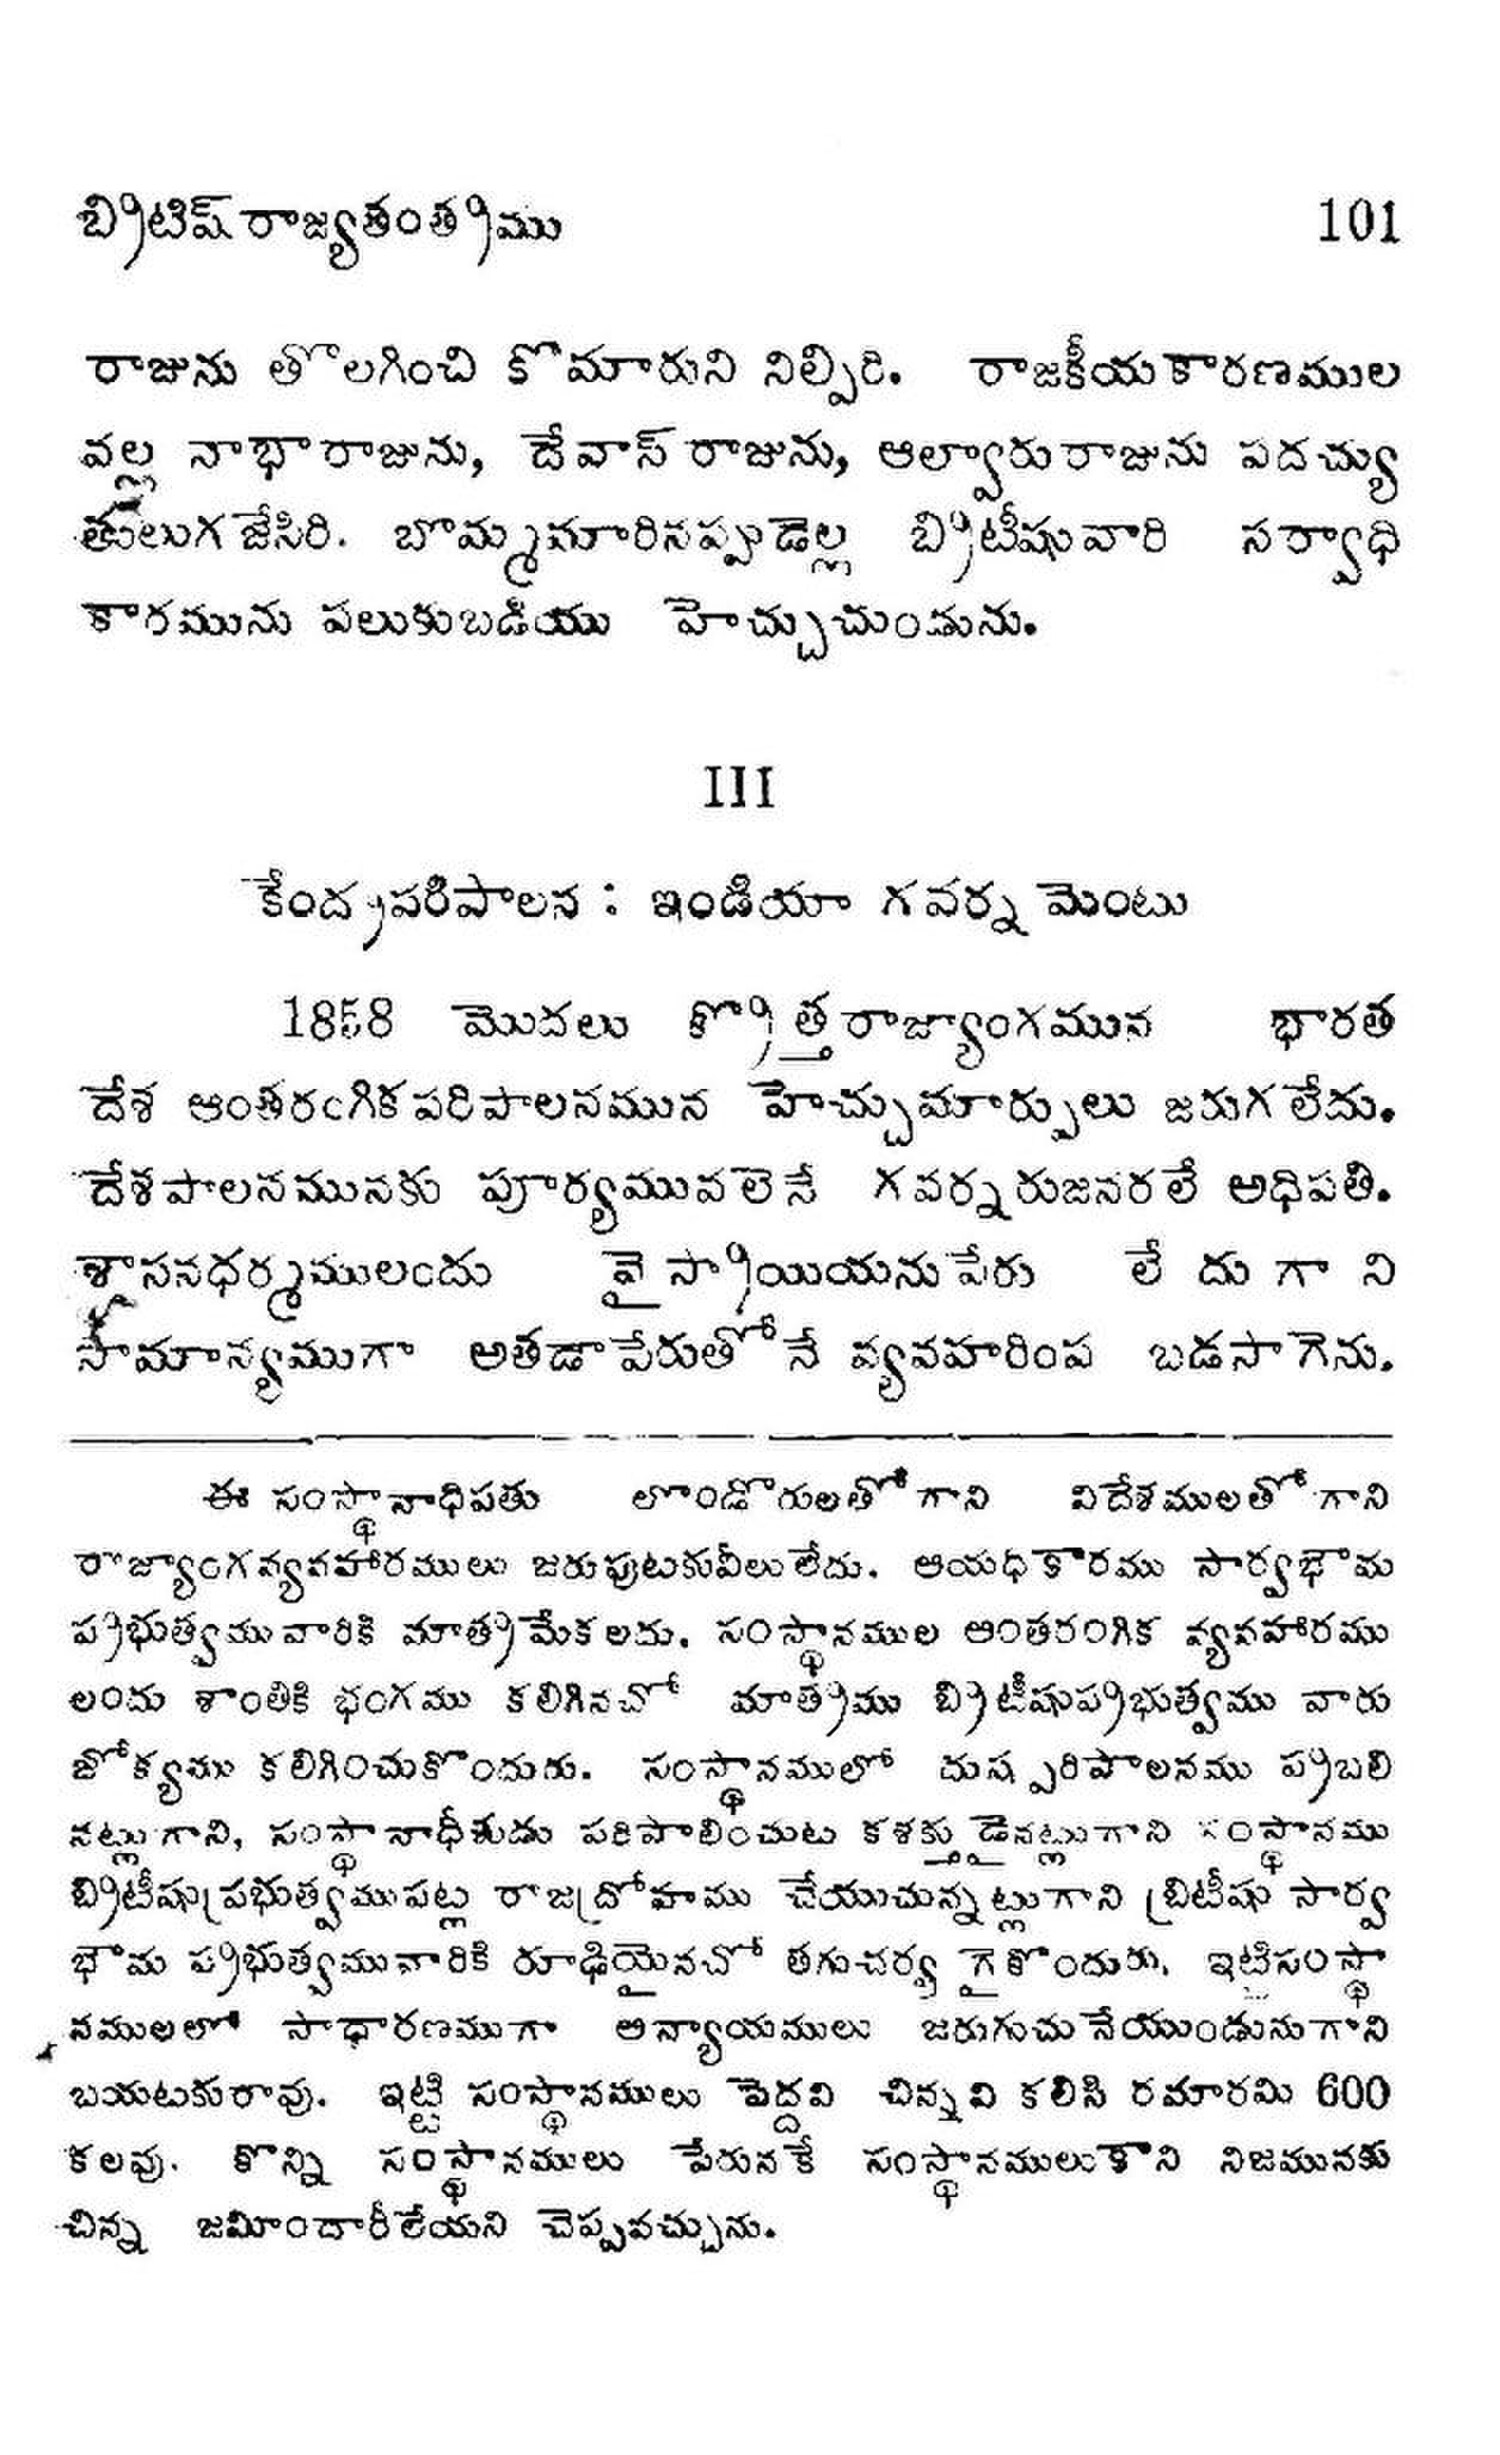రాజును తొలగించి కొమారుని నిల్పిరి. రాజకీయకారణముల వల్ల నాభారాజును, దేవాస్ రాజును, ఆల్వారురాజును పదచ్యుతులుగ జేసిరి. బొమ్మమారినప్పుడెల్ల బ్రిటీషువారి సర్వాధికారమును పలుకుబడియు హెచ్చుచుండును.

III
కేంద్రపరిపాలన : ఇండియా గవర్నమెంటు

1858 మొదలు క్రొత్తరాజ్యాంగమున భారతదేశ ఆంతరంగికపరిపాలనమున హెచ్చుమార్పులు జరుగలేదు. దేశపాలనమునకు పూర్యమువలెనే గవర్నరుజనరలే అధిపతి. శాసనధర్మములందు వైస్రాయియనుపేరు లేదుగాని సామాన్యముగా అతడాపేరుతోనే వ్యవహరింప బడసాగెను.